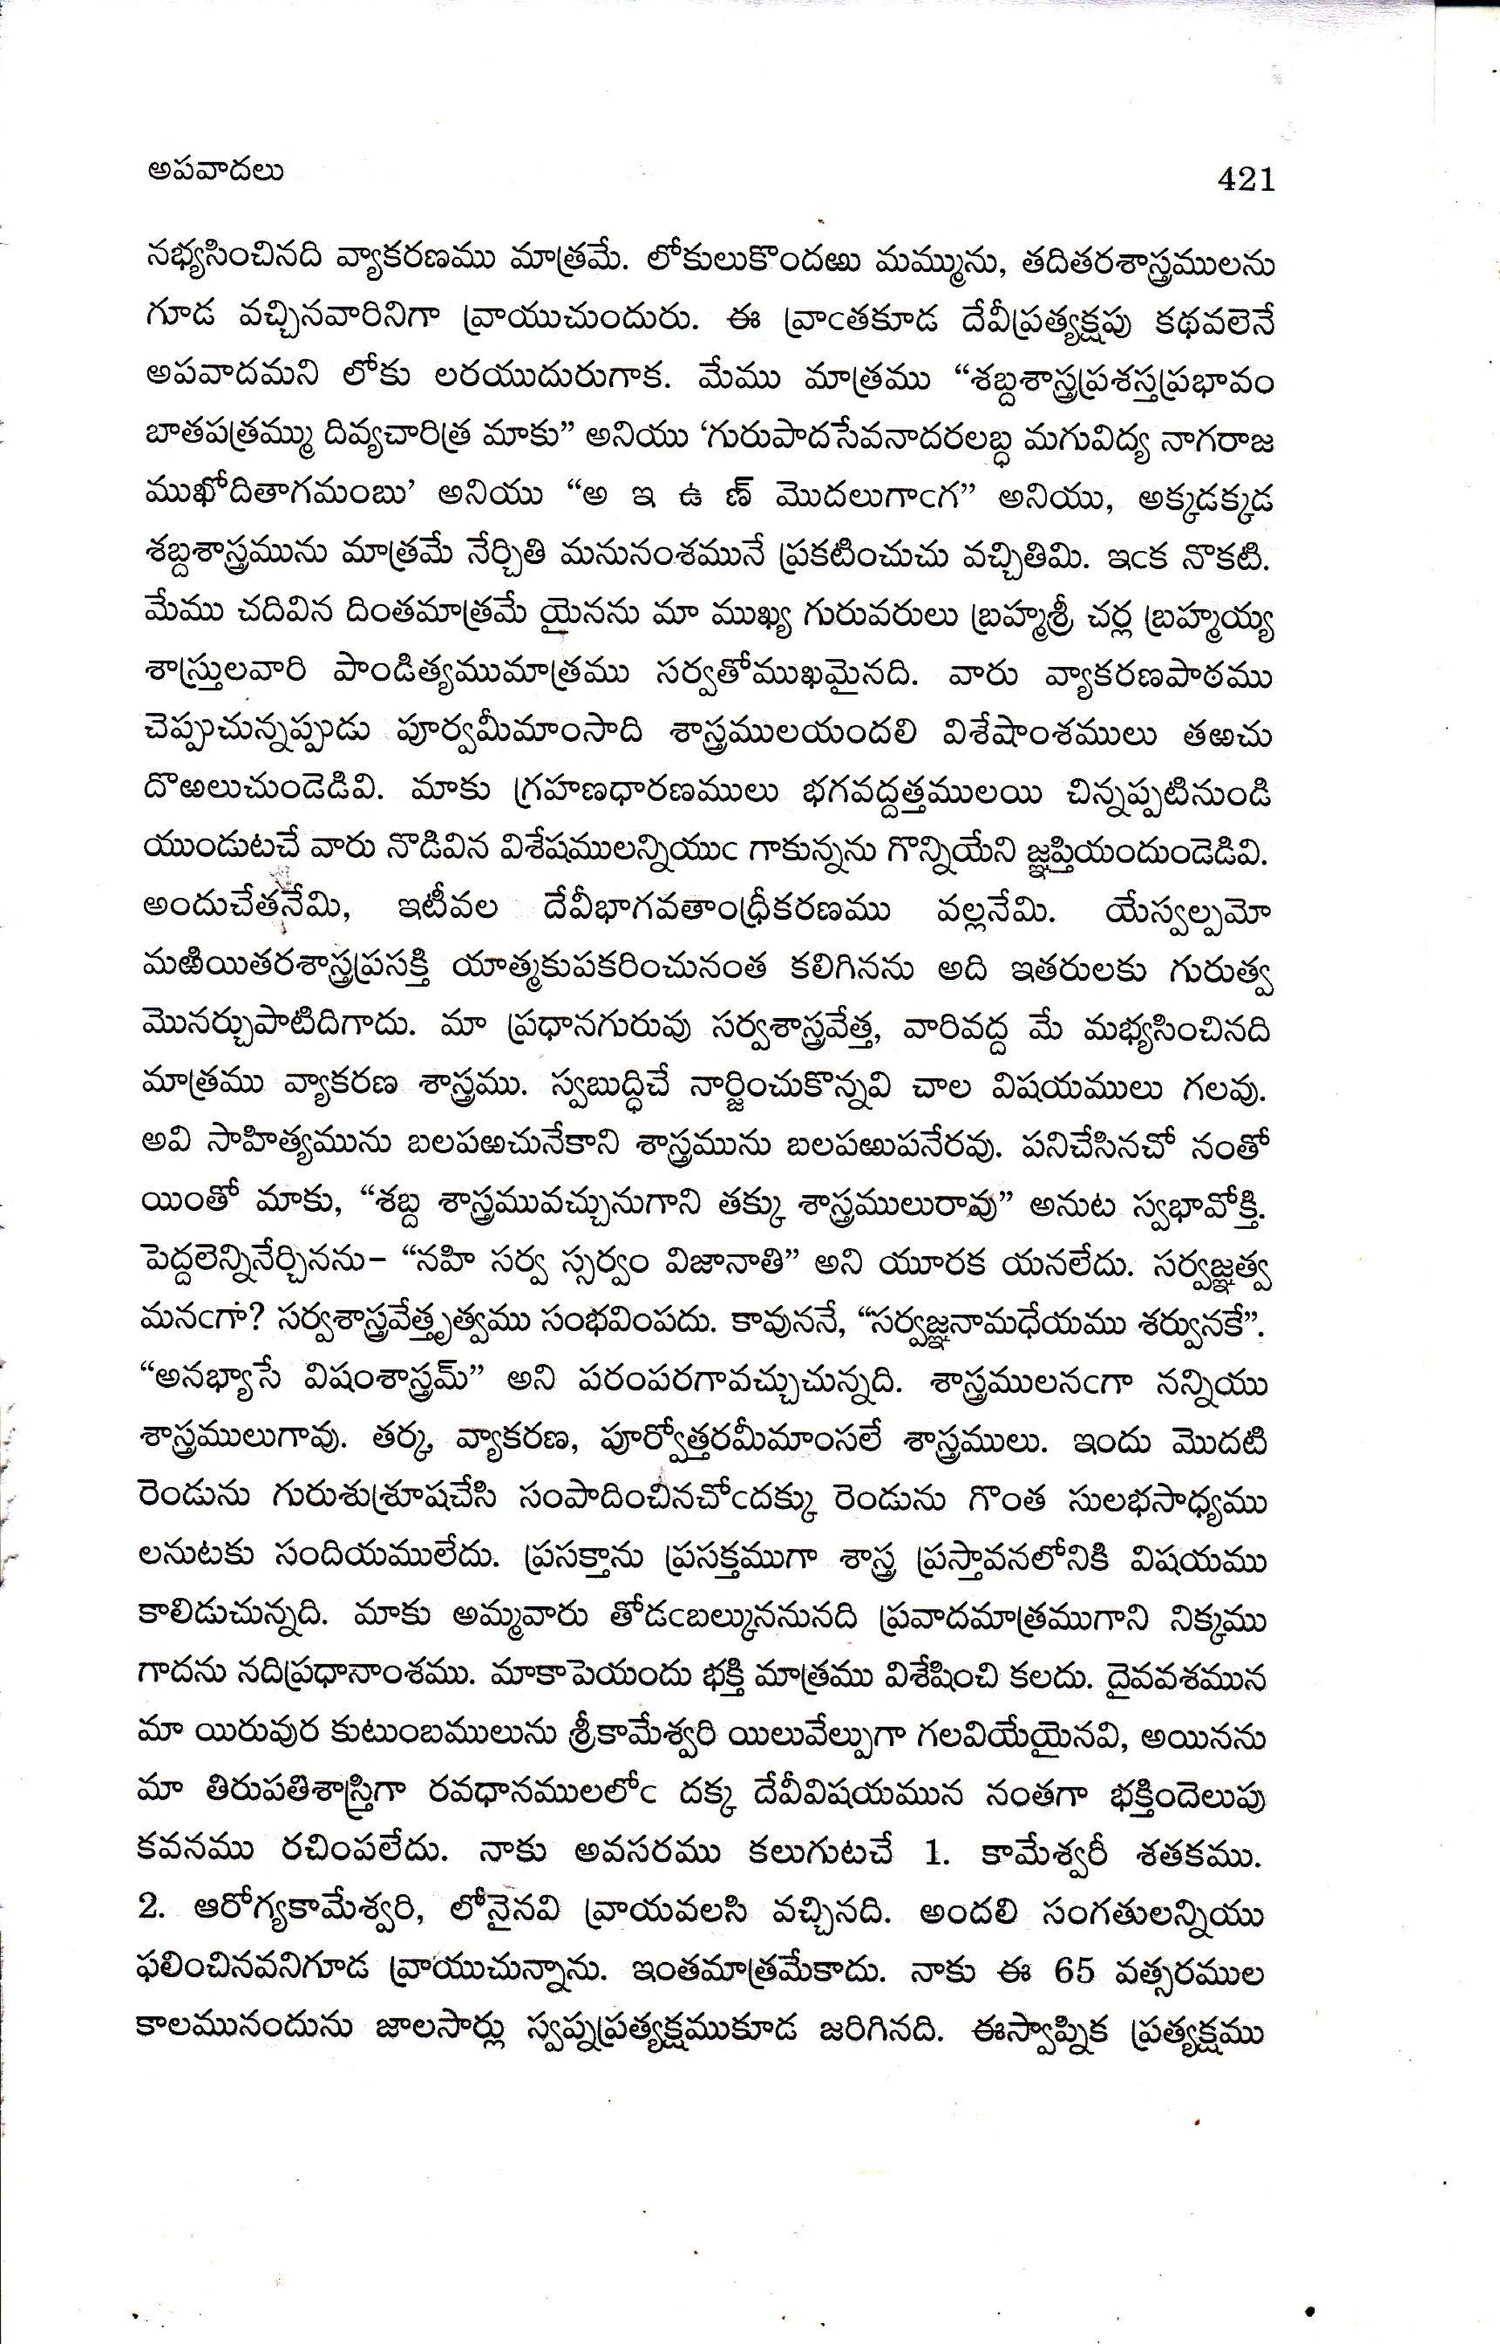నభ్యసించినది వ్యాకరణము మాత్రమే. లోకులుకొందఱు మమ్మును, తదితరశాస్త్రములను గూడ వచ్చినవారినిగా వ్రాయుచుందురు. ఈ వ్రాఁతకూడ దేవీప్రత్యక్షపు కథవలెనే అపవాదమని లోకు లరయుదురుగాక. మేము మాత్రము “శబ్దశాస్త్రప్రశస్తప్రభావం బాతపత్రమ్ము దివ్యచారిత్ర మాకు” అనియు 'గురుపాదసేవనాదరలబ్ద మగువిద్య నాగరాజ ముఖోదితాగమంబు' అనియు “అ ఇ ఉ ణ్ మొదలుగాఁగ" అనియు, అక్కడక్కడ శబ్దశాస్త్రమును మాత్రమే నేర్చితి మనునంశమునే ప్రకటించుచు వచ్చితిమి. ఇఁక నొకటి. మేము చదివిన దింతమాత్రమే యైనను మా ముఖ్య గురువరులు బ్రహ్మశ్రీ చర్ల బ్రహ్మయ్య శాస్త్రులవారి పాండిత్యముమాత్రము సర్వతోముఖమైనది. వారు వ్యాకరణపాఠము చెప్పుచున్నప్పుడు పూర్వమీమాంసాది శాస్త్రములయందలి విశేషాంశములు తఱచు దొఱలుచుండెడివి. మాకు గ్రహణధారణములు భగవద్దత్తములయి చిన్నప్పటినుండి యుండుటచే వారు నొడివిన విశేషములన్నియుఁ గాకున్నను గొన్నియేని జ్ఞప్తియందుండెడివి. అందుచేతనేమి, ఇటీవల దేవీభాగవతాంద్రీకరణము వల్లనేమి. యేస్వల్పమో మఱియితరశాస్త్రప్రసక్తి యాత్మకుపకరించునంత కలిగినను అది ఇతరులకు గురుత్వ మొనర్చుపాటిదిగాదు. మా ప్రధానగురువు సర్వశాస్త్రవేత్త, వారివద్ద మే మభ్యసించినది మాత్రము వ్యాకరణ శాస్త్రము. స్వబుద్ధిచే నార్జించుకొన్నవి చాల విషయములు గలవు. అవి సాహిత్యమును బలపఱచునేకాని శాస్త్రమును బలపఱుపనేరవు. పనిచేసినచో నంతో యింతో మాకు, "శబ్ద శాస్త్రమువచ్చునుగాని తక్కు శాస్త్రములురావు" అనుట స్వభావోక్తి పెద్దలెన్నినేర్చినను- “నహి సర్వ స్సర్వం విజానాతి" అని యూరక యనలేదు. సర్వజ్ఞత్వ మనఁగా? సర్వశాస్త్రవేత్తృత్వము సంభవింపదు. కావుననే, “సర్వజ్ఞనామధేయము శర్వునకే". “అనభ్యాసే విషంశాస్త్రమ్” అని పరంపరగావచ్చుచున్నది. శాస్త్రములనఁగా నన్నియు శాస్త్రములుగావు. తర్క వ్యాకరణ, పూర్వోత్తరమీమాంసలే శాస్త్రములు. ఇందు మొదటి రెండును గురుశుశ్రూషచేసి సంపాదించినచోఁదక్కు రెండును గొంత సులభసాధ్యము లనుటకు సందియములేదు. ప్రసక్తాను ప్రసక్తముగా శాస్త్ర ప్రస్తావనలోనికి విషయము కాలిడుచున్నది. మాకు అమ్మవారు తోడఁబల్కుననునది ప్రవాదమాత్రముగాని నిక్కము గాదను నదిప్రధానాంశము. మాకాపెయందు భక్తి మాత్రము విశేషించి కలదు. దైవవశమున మా యిరువుర కుటుంబములును శ్రీకామేశ్వరి యిలువేల్పుగా గలవియేరైనవి, అయినను మా తిరుపతిశాస్త్రిగా రవధానములలోఁ దక్క దేవీవిషయమున నంతగా భక్తిందెలుపు కవనము రచింపలేదు. నాకు అవసరము కలుగుటచే 1. కామేశ్వరీ శతకము. 2. ఆరోగ్యకామేశ్వరి, లోనైనవి వ్రాయవలసి వచ్చినది. అందలి సంగతులన్నియు ఫలించినవనిగూడ వ్రాయుచున్నాను. ఇంతమాత్రమేకాదు. నాకు ఈ 65 వత్సరముల కాలమునందును జాలసార్లు స్వప్నప్రత్యక్షముకూడ జరిగినది. ఈస్వాప్నిక ప్రత్యక్షము